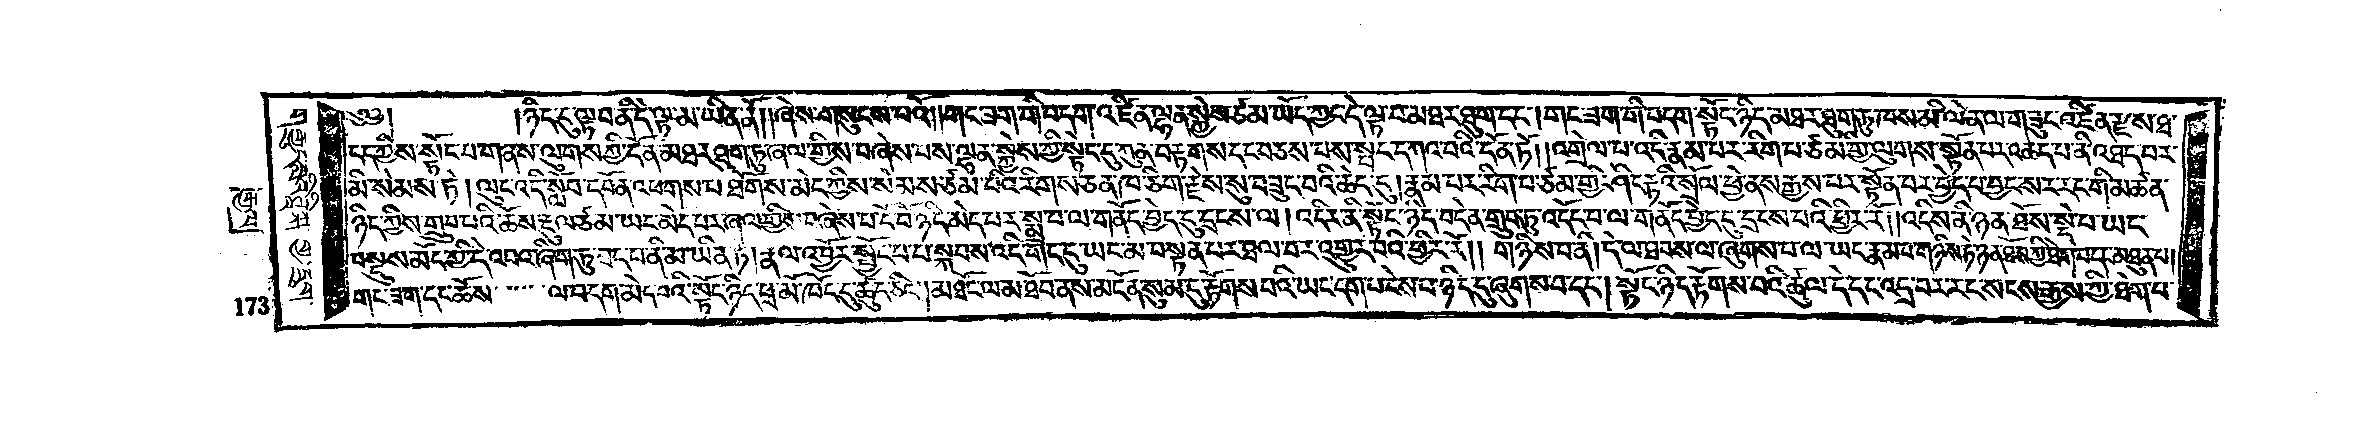༄༅། །ཉིད་དུ་ལྟ་བ་ནི་དེ་ལྟ་མ་ཡིན་ནོ། །ཞེས་གསུངས་པའོ། །གང་ཟག་གི་བདག་འཛིན་ལྷན་སྐྱེས་ཙམ་ཡོད་ཀྱང་དེ་ལྟ་བ་མཐར་ཐུག་དང་། གང་ཟག་གི་བདག་སྟོང་ཉིད་མཐར་ཐུག་ཏུ་ཁས་མི་ལེན་ལ་གཟུང་འཛིན་རྫས་ཐ་
དད་ཀྱིས་སྟོང་བ་གནས་ལུགས་ཀྱི་དོན་མཐར་ཐུག་ཏུ་ཞལ་གྱིས་བཞེས་པས་ལྷན་སྐྱེས་ཀྱི་སྟེང་དུ་ཀུན་བརྟགས་དང་བཅས་པས་སྤང་དཀའ་བའི་དོན་ཏོ། །འགྲེལ་པ་འདི་རྣམ་པར་རིག་པ་ཙམ་གྱི་ལུགས་སྟོན་པར་འཆད་པ་ནི་འཐད་པར་
མི་སེམས་ཏེ། ལུང་འདི་སློབ་དཔོན་འཕགས་པ་ཐོགས་མེད་ཀྱིས་སེམས་ཙམ་པའི་རིགས་ཅན་ཁ་ཅིག་རྗེས་སུ་བཟུང་བའི་ཆེད་དུ། རྣམ་པར་རིག་པ་ཙམ་གྱི་ཤིང་རྟའི་སྲོལ་ཕྱེ་ནས་རྒྱས་པར་སྟོན་པར་བྱེད་པ་བྱང་སར་རང་གི་མཚན་
ཉིད་ཀྱིས་གྲུབ་པའི་ཆོས་རྡུལ་ཙམ་ཡང་མེད་པར་ཞལ་གྱིས་བཞེས་པ་ངོ་བོ་ཉིད་མེད་པར་སྨྲ་བ་ལ་གནོད་བྱེད་དུ་དྲངས་ལ། འདིར་ནི་སྟོང་ཉིད་བདེན་གྲུབ་ཏུ་འདོད་པ་ལ་གནོད་བྱེད་དུ་དྲངས་པའི་ཕྱིར་རོ། །འདིས་ནི་ཉན་ཐོས་སྡེ་པ་ཡང་
བསྡུས་མོད་ཀྱི་དེ་འབའ་ཞིག་ཏུ་ཟད་པ་ནི་མ་ཡིན་ཏེ། རྣལ་འབྱོར་སྤྱོད་པ་བ་སྐབས་འདི་གང་དུ་ཡང་མ་བསྟན་པར་ཐལ་བར་འགྱུར་བའི་ཕྱིར་རོ། །གཉིས་པ་ནི། དེ་ལ་ཐབས་ལ་ཞུགས་པ་ལ་ཡང་རྣམ་པ་གཉིས་ཏེ་ཉན་ཐོས་ཀྱི་ཐེག་པ་དང་མཐུན་པ།
གང་ཟག་དང་ཆོས་ལ་བདག་མེད་པའི་སྟོང་ཉིད་ཕྲ་མོ་ཁོང་དུ་ཚུད་ཅིང་། མཐོང་ལམ་ཐོབ་ནས་མངོན་སུམ་དུ་རྟོགས་པའི་ཡང་དག་པ་ངེས་པ་ཉིད་དུ་ཞུགས་པ་དང་། སྟོང་ཉིད་རྟོགས་པའི་ཚུལ་དེ་དང་འདྲ་བར་རང་སངས་རྒྱས་ཀྱི་ཐེག་པ་